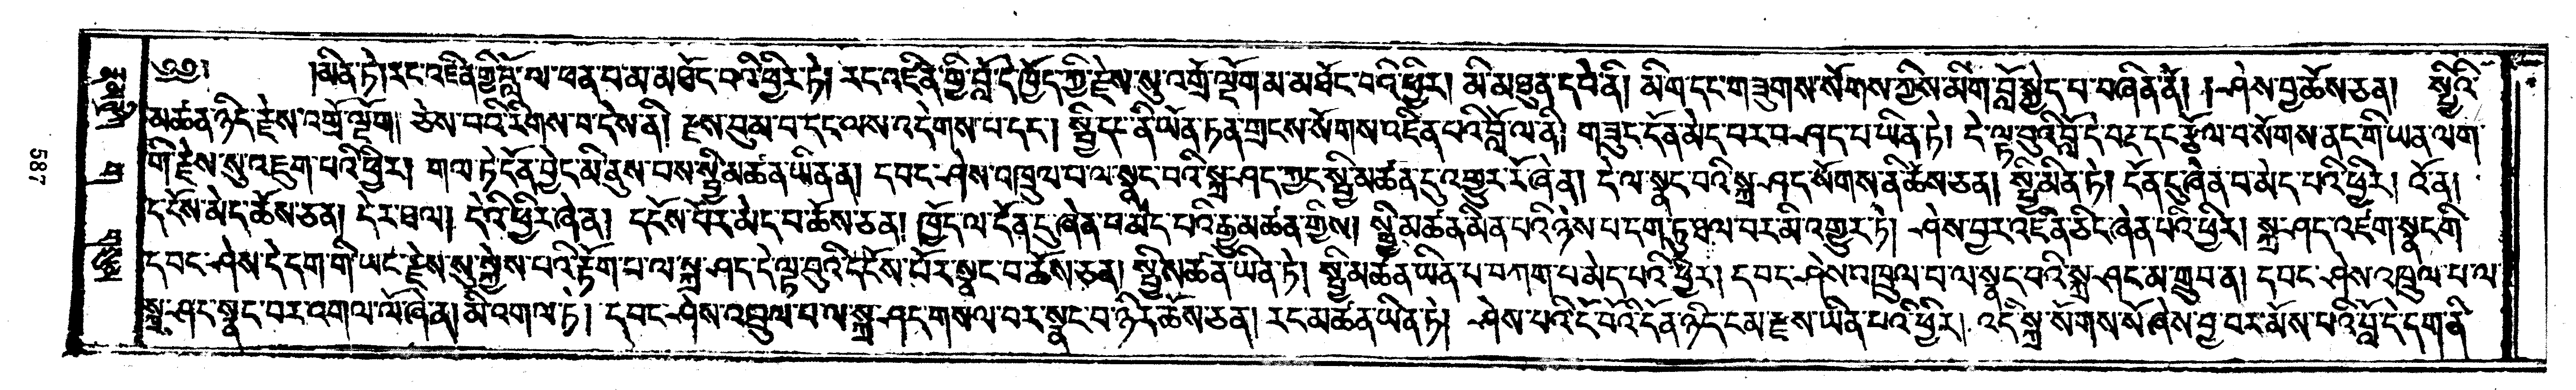༄༅། །མིན་ཏེ། རང་འཛིན་གྱི་བློ་ལ་ཕན་བ་མ་མཐོང་བའི་ཕྱིར་ཏེ། རང་འཛིན་གྱི་བློ་དེ་ཁྱོད་ཀྱི་རྗེས་སུ་འགྲོ་ལྡོག་མ་མཐོང་བའི་ཕྱིར། མི་མཐུན་དཔེ་ནི། མིག་དང་གཟུགས་སོགས་ཀྱིས་མིག་བློ་སྐྱེད་པ་བཞིན་ནོ། །ཤེས་བྱ་ཆོས་ཅན། སྤྱིའི་
མཚན་ཉིད་རྗེས་འགྲོ་ལྡོག། ཅེས་པའི་རིགས་བ་དེས་ནི། རྫས་བུམ་པ་དང་ལས་འདེགས་པ་དང་། སྤྱི་དང་ནི་ཡོན་ཏན་གྲངས་སོགས་འཛིན་པའི་བློ་ལ་ནི། གཟུང་དོན་མེད་པར་བཤད་པ་ཡིན་ཏེ། དེ་ལྟ་བུའི་བློ་དེ་བརྡ་དང་རྩོལ་བ་སོགས་ནང་གི་ཡན་ལག་
གི་རྗེས་སུ་འཇུག་པའི་ཕྱིར། གལ་ཏེ་དོན་བྱེད་མི་ནུས་པས་སྤྱི་མཚན་ཡིན་ན། དབང་ཤེས་འཁྲུལ་བ་ལ་སྣང་བའི་སྐྲ་ཤད་ཀྱང་སྤྱི་མཚན་དུ་འགྱུར་རོ་ཞེ་ན། དེ་ལ་སྣང་བའི་སྐྲ་ཤད་སོགས་ནི་ཆོས་ཅན། སྤྱི་མིན་ཏེ། དོན་དུ་ཞེན་པ་མེད་པའི་ཕྱིར། འོ་ན།
དངོས་མེད་ཆོས་ཅན། དེར་ཐལ། དེའི་ཕྱིར་ཞེ་ན། དངོས་པོར་མེད་པ་ཆོས་ཅན། ཁྱོད་ལ་དོན་དུ་ཞེན་པ་མེད་པའི་རྒྱུ་མཚན་གྱིས། སྤྱི་མཚན་མིན་པའི་ཉེས་པ་དག་ཏུ་ཐལ་བར་མི་འགྱུར་ཏེ། ཤེས་བྱར་འཛིན་ཅིང་ཞེན་པའི་ཕྱིར། སྐྲ་ཤད་འཛག་སྣང་གི་
དབང་ཤེས་དེ་དག་གི་ཡང་རྗེས་སུ་སྐྱེས་པའི་རྟོག་པ་ལ་སྐྲ་ཤད་དེ་ལྟ་བུའི་དངོས་པོར་སྣང་བ་ཆོས་ཅན། སྤྱིས་ཚན་ཡིན་ཏེ། སྤྱི་མཚན་ཡིན་པ་བཀག་པ་མེད་པའི་ཕྱིར། དབང་ཤེས་འཁྲུལ་པ་ལ་སྣང་བའི་སྐྲ་ཤང་མ་གྲུབ་ན། དབང་ཤེས་འཁྲུལ་པ་ལ་
སྐྲ་ཤང་སྣང་བར་འགལ་ལོ་ཞེ་ན། མི་འགལ་ཏེ། དབང་ཤེས་འཐུལ་བ་ལ་སྐྲ་ཤད་གསལ་བར་སྣང་བ་ཉིར་ཆོས་ཅན། རང་མཚན་ཡིན་ཏེ། ཤེས་པའི་ངོ་བོའི་དོན་ཉིད་ངམ་རྫས་ཡིན་པའི་ཕྱིར། འདི་སྐྲ་སོགས་སོ་ཞེས་བྱ་བར་མོས་པའི་བློ་དེ་དག་ནི་